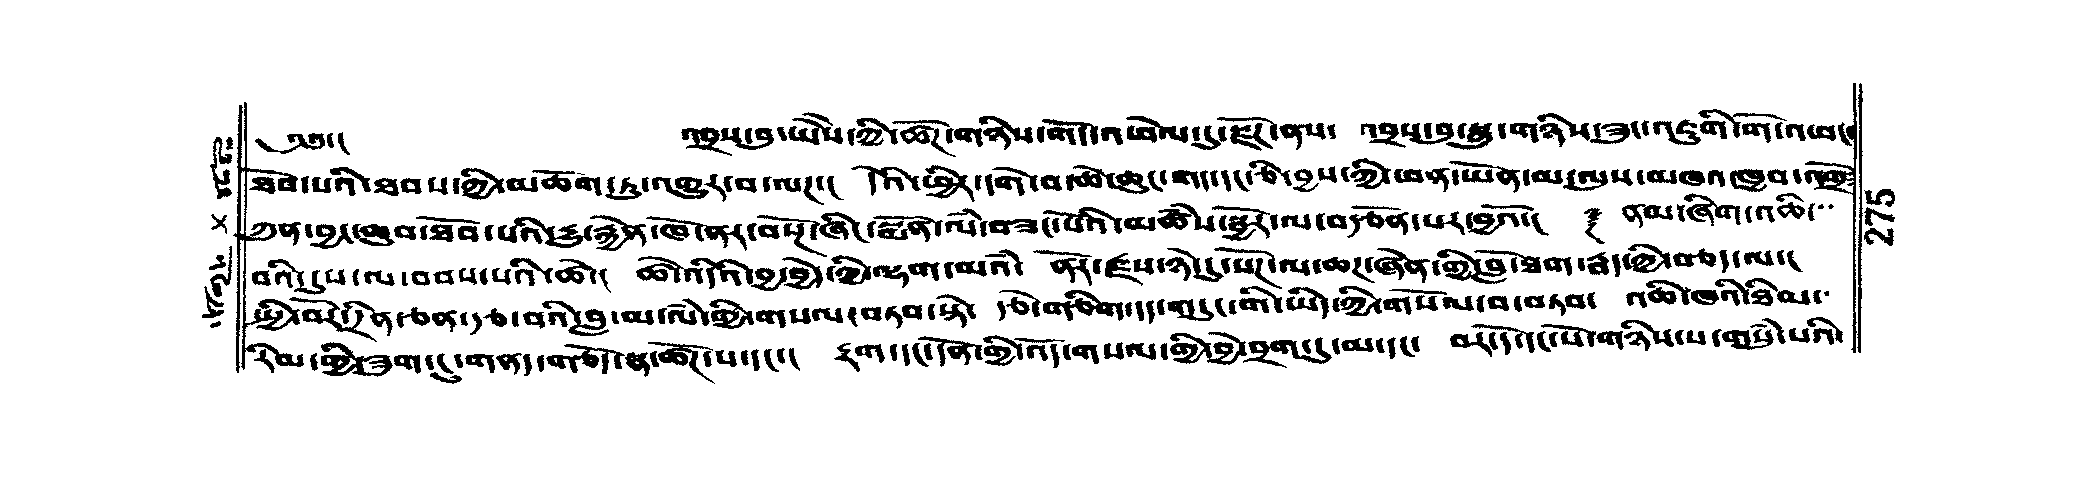འབྲས་བུ་ཡེ་ཤེས་ཀྱི་ཚོགས་གཉིས་གོང་འཕེལ་དུ་རྫོགས་ནས། འབྲས་བུ་སྐུ་གཉིས་ཟུང་འཇུག་གི་གོ་འཕང་
ཐོབ་པའི་ཐབས་ཀྱི་མཆོག་ཏུ་འགྱུར་པ་ལགས། དེའི་ཕྱིར་དགེ་བ་ཆེ་ཆུང་གང་དང་ཅི་བྱས་ཀྱི་ཕན་ཡོན་མ་ལུས་མཁའ་ཁྱབ་འགྲོ་
ཀུན་བྱང་ཆུབ་ཐོབ་པའི་རྒྱུ་རྐྱེན་ཁོ་ནར་བསྔོ་ཞིང་སྨོན་ལམ་བཟང་པོའི་མཚམས་སྦྱོར་ལ་བརྩོན་པར་བྱའོ།༈ ནམ་ཞིག་འཆི་
བའི་དུས་ལ་བབས་པའི་ཚེ། ཚེ་འདིའི་བྱ་བྱེད་ཀྱི་ལྷག་མའང་ནོར་རྫས་ཉེ་དུ་སོགས་ལ་ཆགས་ཞེན་གྱི་བློ་ཐག་རྦད་ཀྱི་བཅད་ལ། 
སྤྱི་བོར་དྲིན་ཅན་རྩ་བའི་བླ་མ་ལམ་གྱི་གསལ་བཏབ་སྟེ། རྩེ་གཅིག་དད་གདུང་གི་ཡིད་ཀྱི་གསོལ་བ་བཏབ། འཆི་ཁའི་ཐིམ་
རིམ་གྱི་ཟུག་ངུ་གནད་གཅོད་སྣ་ཚོགས་པ་དང་། རྟགས་དང་དོན་གྱི་འོད་གསལ་གྱི་བྱེ་བྲག་དུ་མ་དང་། བར་དོ་དང་པོ་གཉིས་པ་གསུམ་པའི་